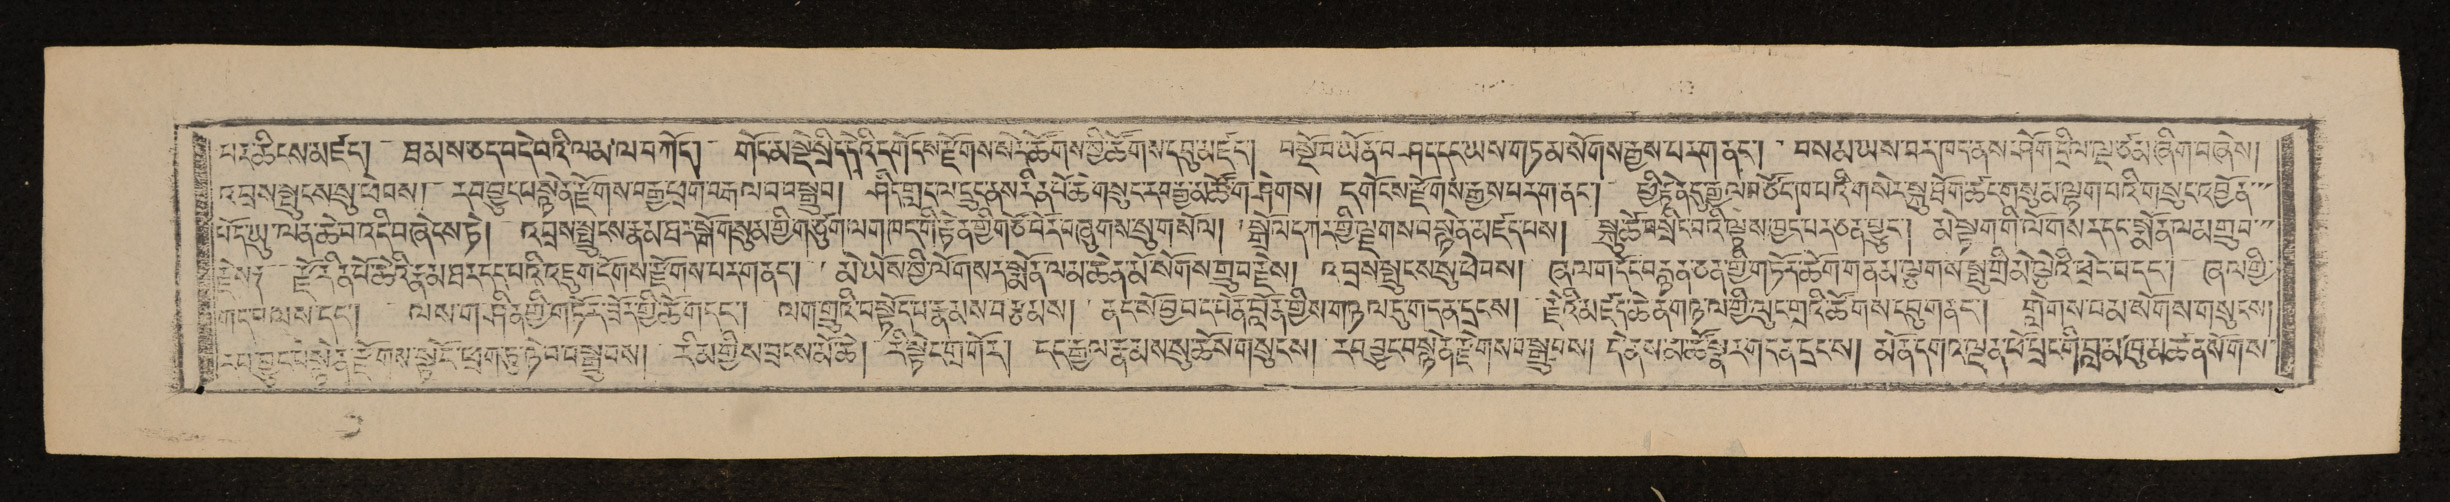པར་ཆིངས་མཛད། ཐམས་ཅད་བདེ་བའི་ལམ་ལ་བཀོད། གོང་མ་སྡེ་སྲིད་དེའི་དགོངས་རྫོགས་སེར་ཚོགས་ཀྱི་ཚོགས་དབུ་མཛད། བསྔོ་བ་ཡོན་བཤད་དང་ཡས་གཏམ་སོགས་རྒྱས་པར་གནང་། བསམ་ཡས་པར་ཁང་ནས་ཤོག་དྲིལ་ལྔ་ཙམ་ཞིག་བཞེས།
འབྲས་སྤུངས་སུ་ཕེབས། རབ་བྱུང་བསྙེན་རྫོགས་བརྒྱ་ཕྲག་བརྒལ་བ་བསྒྲུབ། ཤིང་གླང་ལ་དྲུང་ནས་རིན་པོ་ཆེ་གསུང་རབ་རྒྱ་མཚོ་གཤེགས། དགོངས་རྫོགས་རྒྱས་པར་གནང་། ཕྱི་རྟེན་དུ་རྒྱལ་བ་ཙོང་ཁ་པའི་གསེར་སྐུ་ཐོག་ཚད་གསུམ་ལྷག་པའི་གསུང་འབྱོན་
བོད་ཡུལ་ན་ཆེ་བ་འདི་བཞེངས་ཏེ། འབྲས་སྤུངས་རྣམ་ཐར་སྒོ་གསུམ་གྱི་གཙུག་ལག་ཁང་གི་རྟེན་གྱི་གཙོ་བོར་བཞུགས་སུ་གསོལ། སྒྲོལ་དཀར་གྱི་ལྗགས་བསྙེན་མཛད་པས། སྐུ་ཚེ་བསྲིང་པའི་ལྟས་ཁྱད་པར་ཅན་བྱུང་། མེ་སྟག་གི་ལོ་གསར་དང་སྨོན་ལམ་གྲུབ་
རྗེས༑ རྗེ་རིན་པོ་ཆེའི་རྣམ་ཐར་དད་པའི་འཇུག་ངོགས་རྫོགས་པར་གནང་། མེ་ཡོས་ཀྱི་ལོ་གསར་སྨོན་ལམ་ཆེན་མོ་སོགས་གྲུབ་རྗེས། འབྲས་སྤུངས་སུ་ཕེབས། ཞལ་གདོང་བརྙན་ཅན་གྱི་གཏོར་ཆོག་གནམ་ལྕགས་སྤུ་གྲི་མེ་ལྕེའི་ཕྲེང་བ་དང་། ཞལ་གྱི་
གདབ་ལས་དང་། ལས་གཤིན་གྱི་གཏོར་ཟོར་གྱི་ཆོ་ག་དང་། ལག་གྲུའི་བསྟོད་པ་རྣམས་བརྩམས། ནང་སོ་བྱ་བ་དབོན་བློན་གྱིས་གཉལ་དུ་གདན་དྲངས། རྗེའི་མཛད་ཆེན་གཉལ་གྱི་ལུང་གྲའི་ཚོགས་དབུ་གནང་། གླེགས་བམ་སོགས་གསུངས།
རབ་བྱུང་བསྙེན་རྫོགས་སྟོང་ཕྲག་ཏུ་ཉེ་བ་བསྒྲུབས། རིམ་གྱིས་ཟངས་མོ་ཆེ། རི་སྟེང་གྲ་གོར། ངང་རྒྱལ་རྣམས་སུ་ཆོས་གསུངས། རབ་བྱུང་བསྙེན་རྫོགས་བསྒྲུབས། དེ་ནས་མཚོ་སྣར་གདན་དྲངས། མོན་དགའ་ལྡན་ཕོ་བྲང་གི་བླ་མ་ཁུ་མཚན་སོགས་